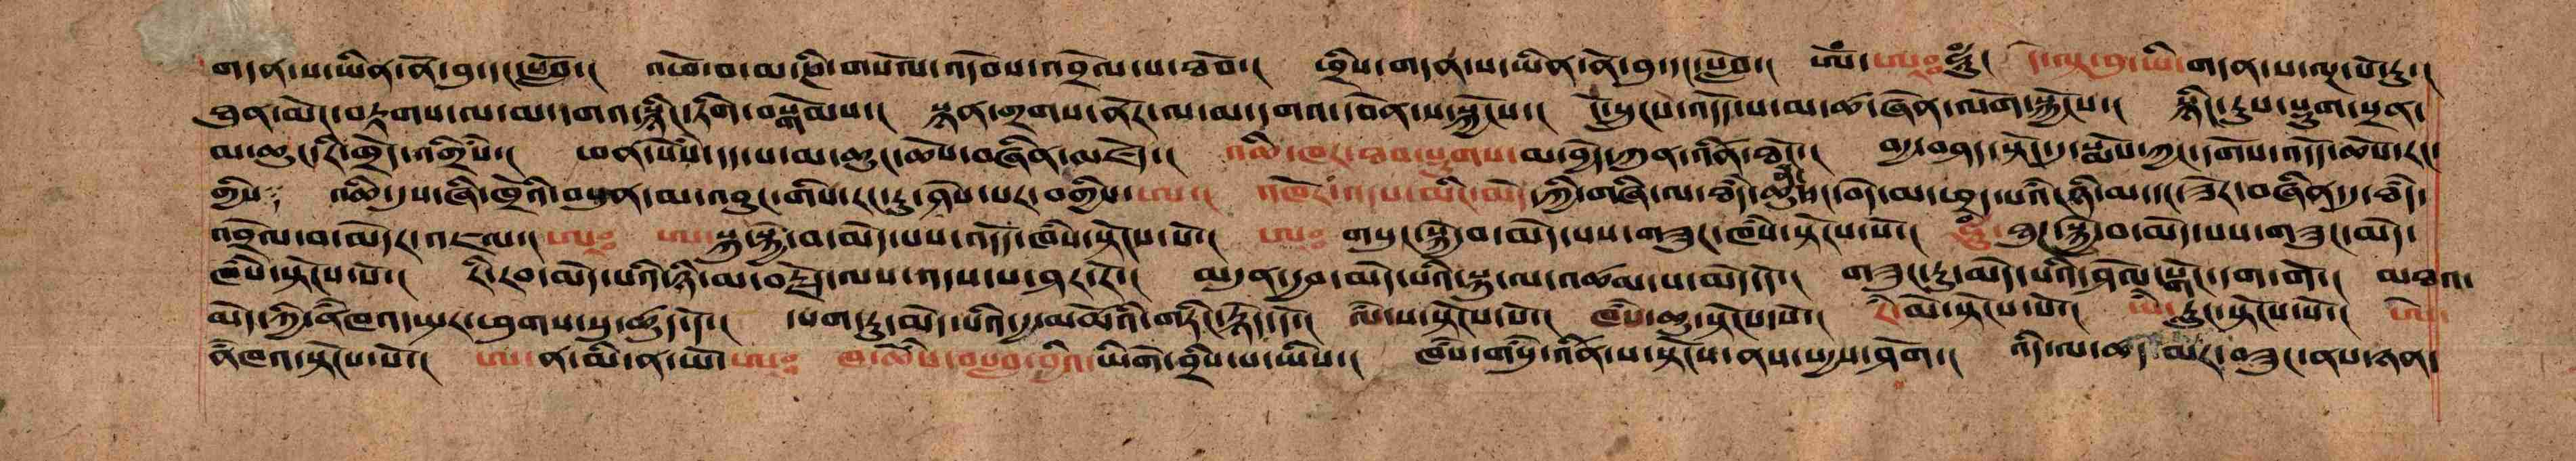གདན་ས་ཡིན་ནོ་བུ་དང་སློབ། འཕོ་བ་མ་ཎི་གསོལ་འདེབས་འབྲེལ་པ་ཐོབ། ཕྲིན་ལས་གདན་ས་ཡིན་ནོ་བུ་དང་སློབ་། ཨོཾ་ཨཱཿ ཧཱུཾ། དེ་ལྟ་བུ་ཡི་གདན་ས་ལྔ་པོ་རུ། 
ཐུན་མོང་བརྟགས་ལ་མ་དགའ་སྙིང་ཏིག་བསྒོམས་། སྣ་གྲགས་ནོར་ལ་མ་དགའ་དབེན་པ་སྐྱོངས་། ངོ་སྲུངས་འདོད་པ་མ་ཚ་ཞེན་ལོག་སྐྱོངས་། སྙིང་རུས་སྡུག་སྲན་
མ་ཆུང་རི་ཁྲོད་འགྲིམས་། ཕན་སེམས་དད་པ་མ་ཆུང་ཆོས་བཞིན་མཛོད། འཆི་ཁར་ཐབ་སྡུགས་མ་བྱེད་ཀུན་འཛིན་ཐོང་། བརྒྱ་བཤད་སྟོང་དུ་སྨོས་ཀྱང་དགོས་འདོད་ཆོས་རང་
གྱིས༑ འཆི་དུས་ཞི་ཁྲོའི་བསུན་མ་འབྱུང་གིས་རང་རུ་ཤེས་པར་བགྱིས་ཨ། འཁོར་འདས་མིང་མེད་ཀྱི་གཞི་ལ་ཐམས་ཅད་ཆུ་དང་བདེ་མ་ཕྲད་པའི། ཉི་མ་དང་ཟེར་བཞིན་དུ་ཐམས་ཅད་
འབེལ་བ་མེད་པར་འཇལ། ཨཱཿ ཨ་སྐུ་སྐྱེ་བ་མེད་པས་འདོད་ཁམས་སྟོངས་སོ། ཨཿ གསུང་སྐྱེ་བ་མེད་པས་གཟུགས་ཁམས་སྟོངས་སོ། ཧཱུཾ་ཐུགས་སྐྱེ་བ་མེད་པས་གཟགས་མེད་
ཁམས་སྟོངས་སོ། རི་རབ་མེད་པའི་ཉི་མ་བརྗོད་ལས་འདས་པ་ཤར་རོ། མདུན་རྒྱབ་མེད་པའི་སྐུ་ལ་འཚམ་པ་མེད་དོ་། གཟུགས་རྒྱུ་མེད་པའི་ཤེལ་སྒོང་དག་གོ། མཐའ་
མེད་ཀྱི་ནམ་མཁའ་སྤར་ཕུགས་སུ་ཚུད་དོ། དཔག་ཏུ་མེད་པའི་རྒྱ་མཚོའི་གཏིང་རྙེད་དོ། ལམ་པ་སྟོངས་སོ་། ཁམས་ཆུ་སྟོངས་སོ། རཾ་མེ་སྟོངས་སོ། ཡཾ་རླུང་སྟོངས་སོ། ཨི་
ནམ་མཁའ་སྟོངས་སོ། ཨ་ན་མི་ན་ཡོ་ཨཿ ཁ་ཆེམས་བསླབ་བྱའི་ཡི་གེ་བྲིས་པ་ཡིས། ཁམས་གསུམ་འཛིན་པ་སྟོངས་ནས་སངས་རྒྱས་ཤོག་། འདི་ལ་ཚད་མར་བཟུང་ནས་ཉན་